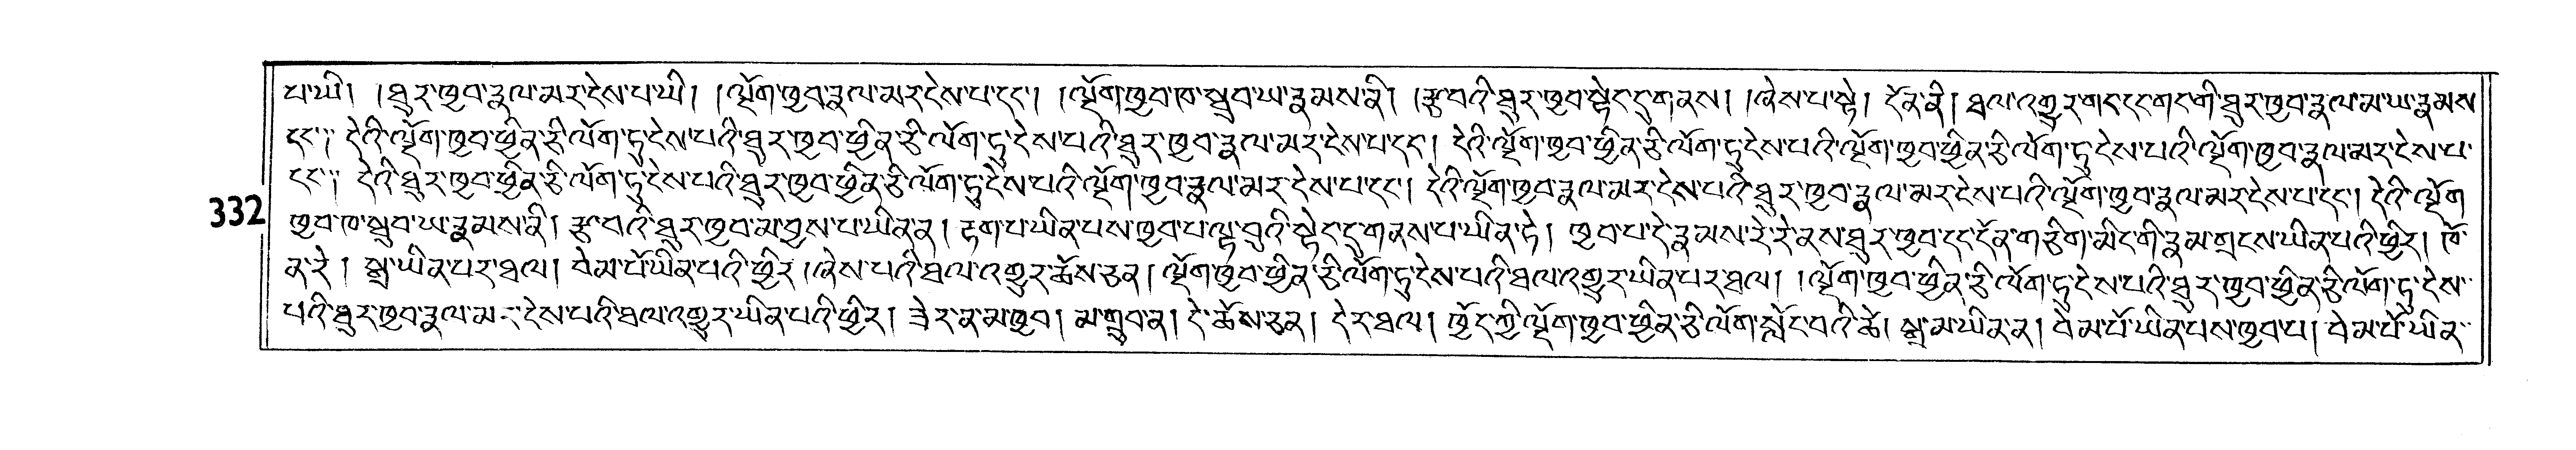པ་ཡི། །ཐུར་ཁྱབ་རྣལ་མར་ངེས་པ་ཡི། །ལྡོག་ཁྱབ་རྣལ་མར་ངེས་པ་དང་། །ལྡོག་ཁྱབ་ཁས་བྲུབ་ཡ་རྣམས་ནི། །རྩ་བའི་ཐུར་ཁྱབ་སྟེང་དུ་གནས། །ཞེས་པ་སྟེ། དོན་ནི། ཐལ་འགྱུར་གང་དང་གང་གི་ཐུར་ཁྱབ་རྣལ་མ་ཡ་རྣམས་
དང༑ དེའི་ལྡོག་ཁྱབ་ཕྱིན་ཅི་ལོག་ཏུ་ངེས་པའི་ཐུར་ཁྱབ་ཕྱིན་ཅི་ལོག་ཏུ་ངེས་པའི་ཐུར་ཁྱབ་རྣལ་མར་ངེས་པ་དང་། དེའི་ལྡོག་ཁྱབ་ཕྱིན་ཅི་ལོག་ཏུ་ངེས་པའི་ལྡོག་ཁྱབ་ཕྱིན་ཅི་ལོག་ཏུ་ངེས་པའི་ལྡོག་ཁྱབ་རྣལ་མར་ངེས་པ་
དང༑ དེའི་ཐུར་ཁྱབ་ཕྱིན་ཅི་ལོག་ཏུ་ངེས་པའི་ཐུར་ཁྱབ་ཕྱིན་ཅི་ལོག་ཏུ་ངེས་པའི་ལྡོག་ཁྱབ་རྣལ་མར་ངེས་པ་དང་། དེའི་ལྡོག་ཁྱབ་རྣལ་མར་ངེས་པའི་ཐུར་ཁྱབ་རྣལ་མར་ངེས་པའི་ལྡོག་ཁྱབ་རྣལ་མར་ངེས་པ་དང་། དེའི་ལྡོག་
ཁྱབ་ཁ་སྦུབ་ཡ་རྣམས་ནི། རྩ་བའི་ཐུར་ཁྱབ་མ་བྱས་པ་ཡིན་ན། རྟག་པ་ཡིན་པས་ཁྱབ་པ་ལྟ་བུའི་སྟེང་དུ་གནས་པ་ཡིན་ཏེ། ཁྱབ་པ་དེ་རྣམས་རེ་རེ་ནས་ཐུར་ཁྱབ་དང་དོན་གཅིག་མིང་གི་རྣམ་གྲངས་ཡིན་པའི་ཕྱིར། ཁོ་
ན་རེ། སྒྲ་ཡིན་པར་ཐལ། བེམ་པོ་ཡིན་པའི་ཕྱིར། ཞེས་པའི་ཐལ་འགྱུར་ཆོས་ཅན། ལྡོག་ཁྱབ་ཕྱིན་ཅི་ལོག་ཏུ་ངེས་པའི་ཐལ་འགྱུར་ཡིན་པར་ཐལ། །ལྡོག་ཁྱབ་ཕྱིན་ཅི་ལོག་ཏུ་ངེས་པའི་ཐུར་ཁྱབ་ཕྱིན་ཅི་ལོག་ཏུ་ངེས་
པའི་ཐུར་ཁྱབ་རྣལ་མར་ངེས་པའི་ཐལ་འགྱུར་ཡིན་པའི་ཕྱིར། ཟེར་ན་མ་ཁྱབ། མ་གྲུབ་ན། དེ་ཆོས་ཅན། དེར་ཐལ། ཁྱོད་ཀྱི་ལྡོག་ཁྱབ་ཕྱིན་ཅི་ལོག་སློང་བའི་ཚེ། སྒྲ་མ་ཡིན་ན། བེམ་པོ་ཡིན་པས་ཁྱབ་པ། བེམ་པོ་ཡིན་